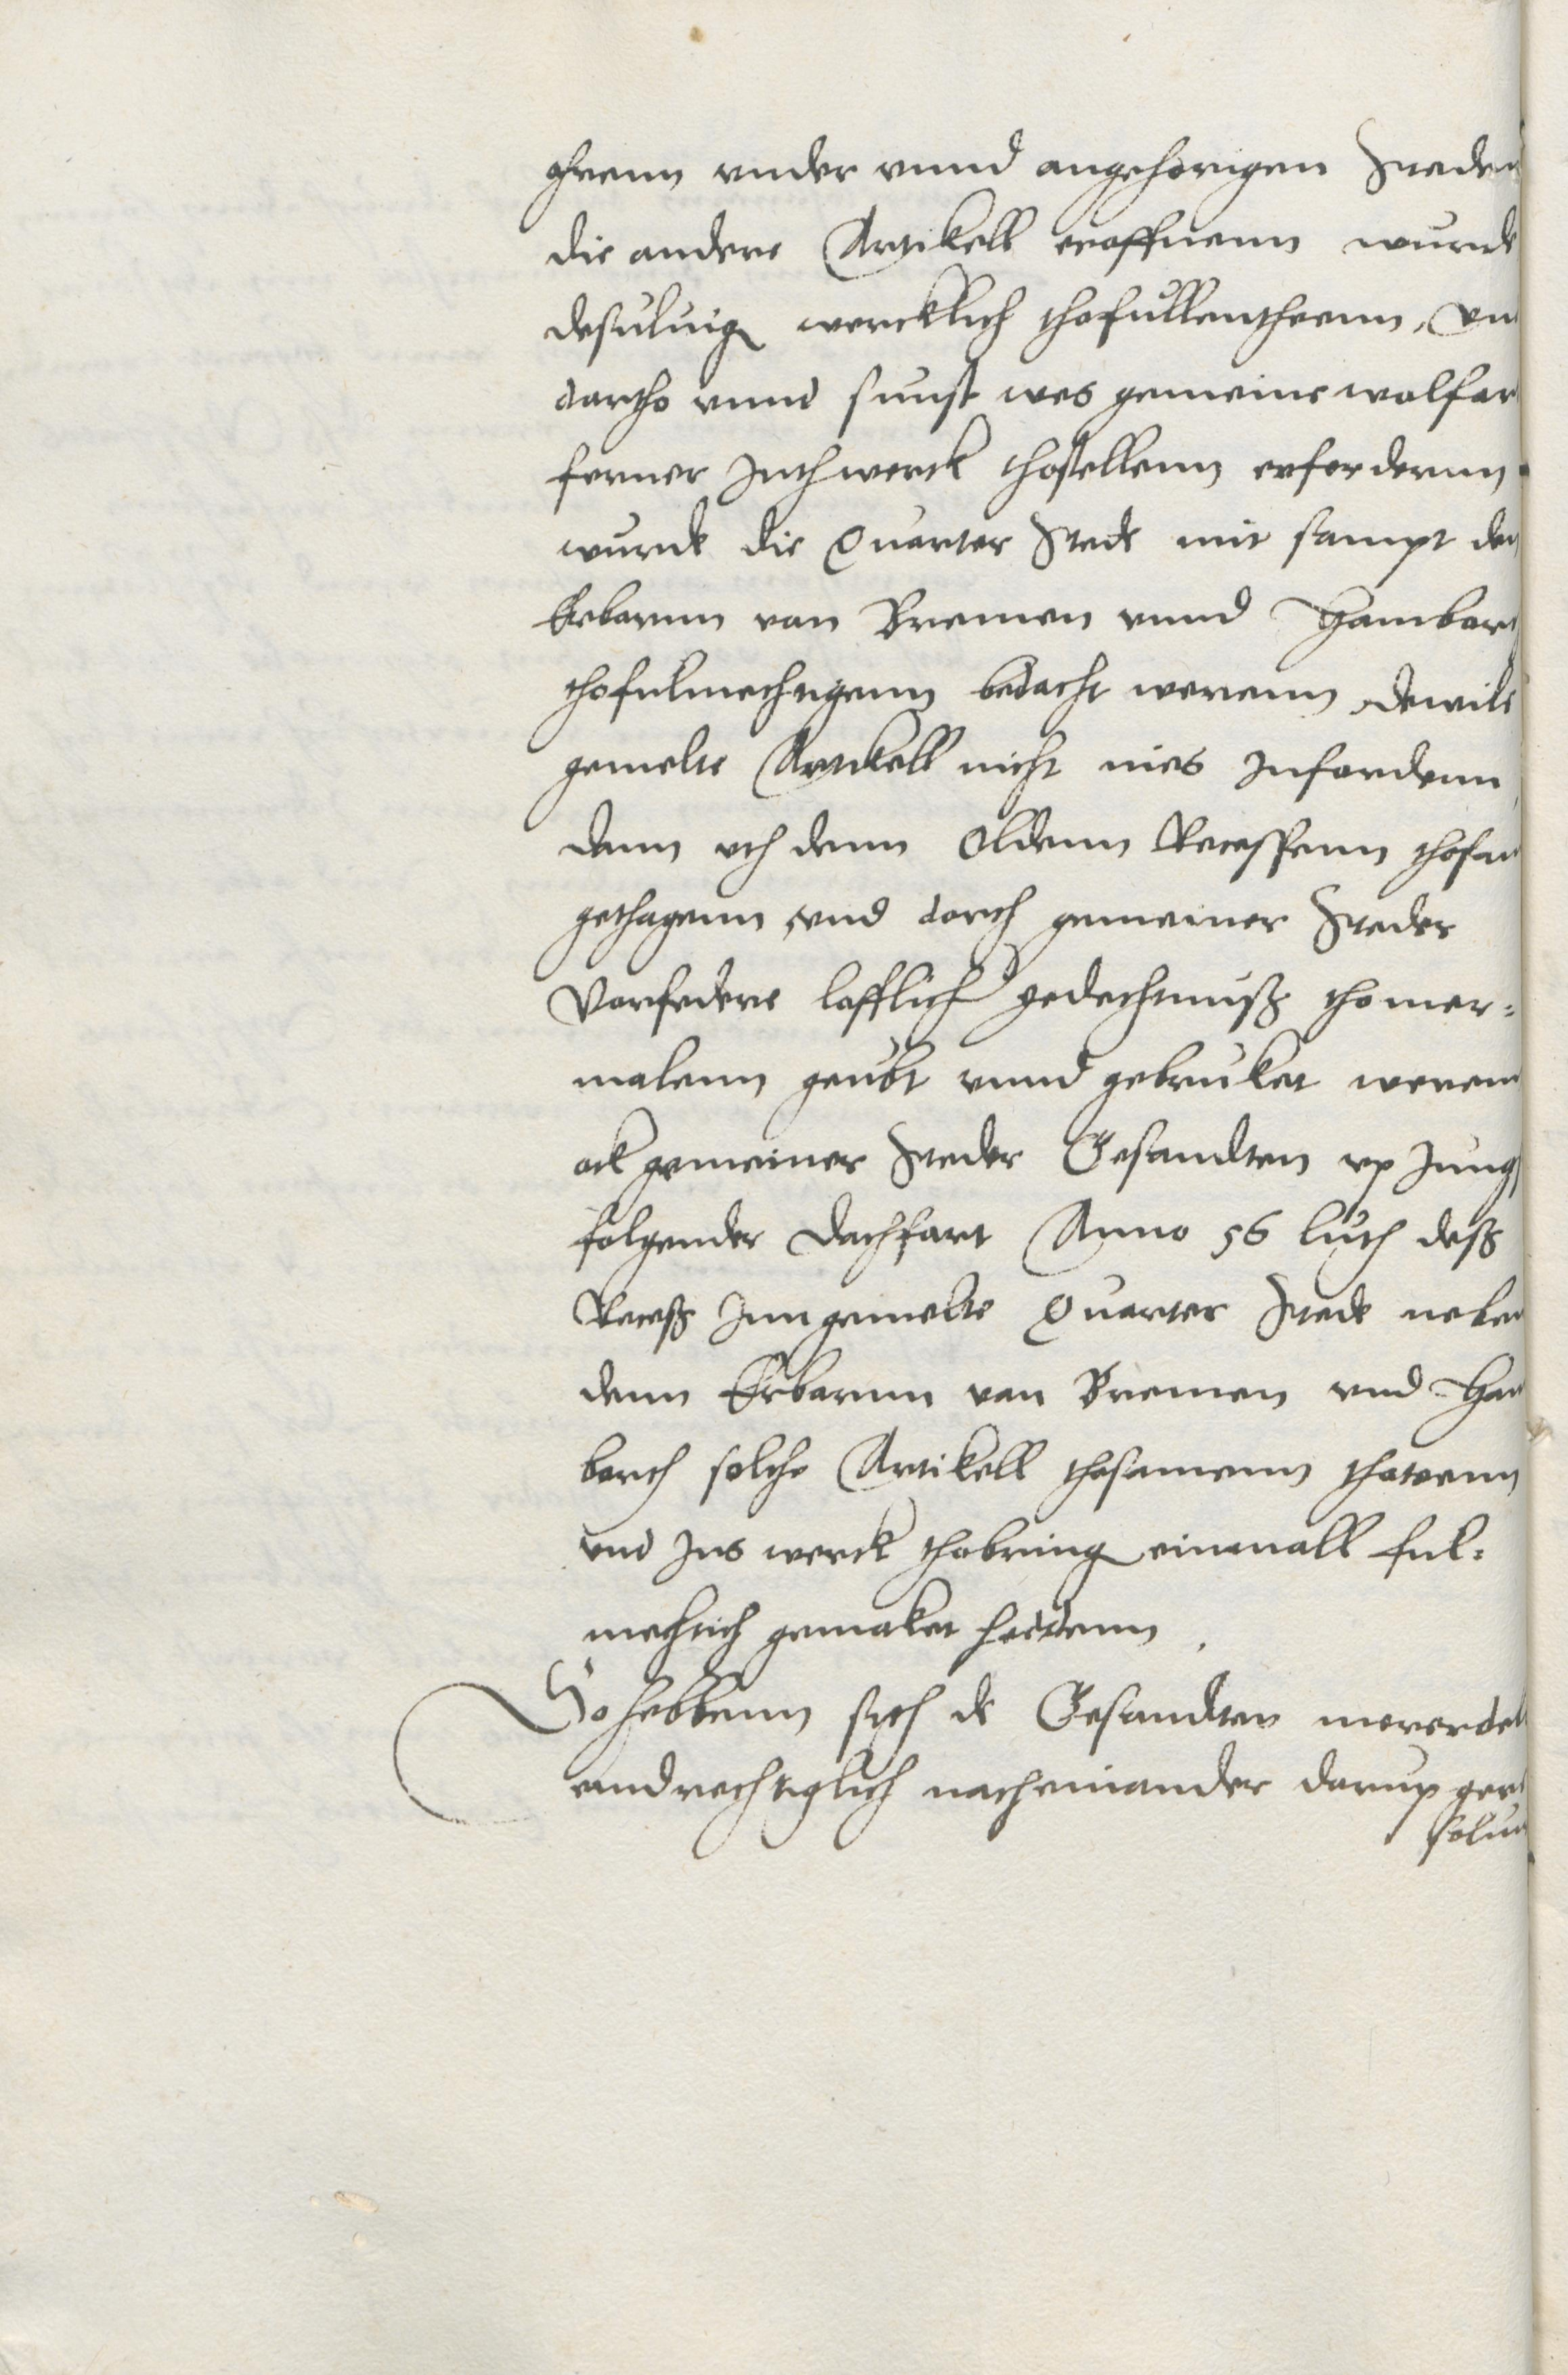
ohrenn vnder vnnd angehorigen Steden
die andere Artikell eroffnenn wurde
desuluigen wercklich thofullentheenn, vnd
dartho vnnd sunst wes gemeine wolfart
ferner jnthwerck thostellenn erfordernn
wurde die Quarter Stede mit sampt den
Erbarnn van Bremen vnnd Hamborch
thofulmechtigenn bedacht werenn, dewile
gemelte Artikell nicht nies jnfordenn
dann vth denn Oldenn Recessenn thosam
gethagenn, vnd dorch gemeiner Steder
Vorfedere lofflicher gedechtnuß tho mer¬
malenn geubt vnnd gebruket werenn
ock gemeiner Steder Gesandten vp jungst
folgender Dachfart Anno 56 luth deß
Receß jnn gemelte Quarter Stede neben
denn Erbarnn van Bremen vnd Ham¬
borch solche Artikell thosamenn thotoenn
vnd jns werck thobringen einmall ful¬
mechtich gemaket heddenn.
So hebbenn sich de Gesandten mererdell
eindrechtiglich nacheinander darup gere¬
soluir
